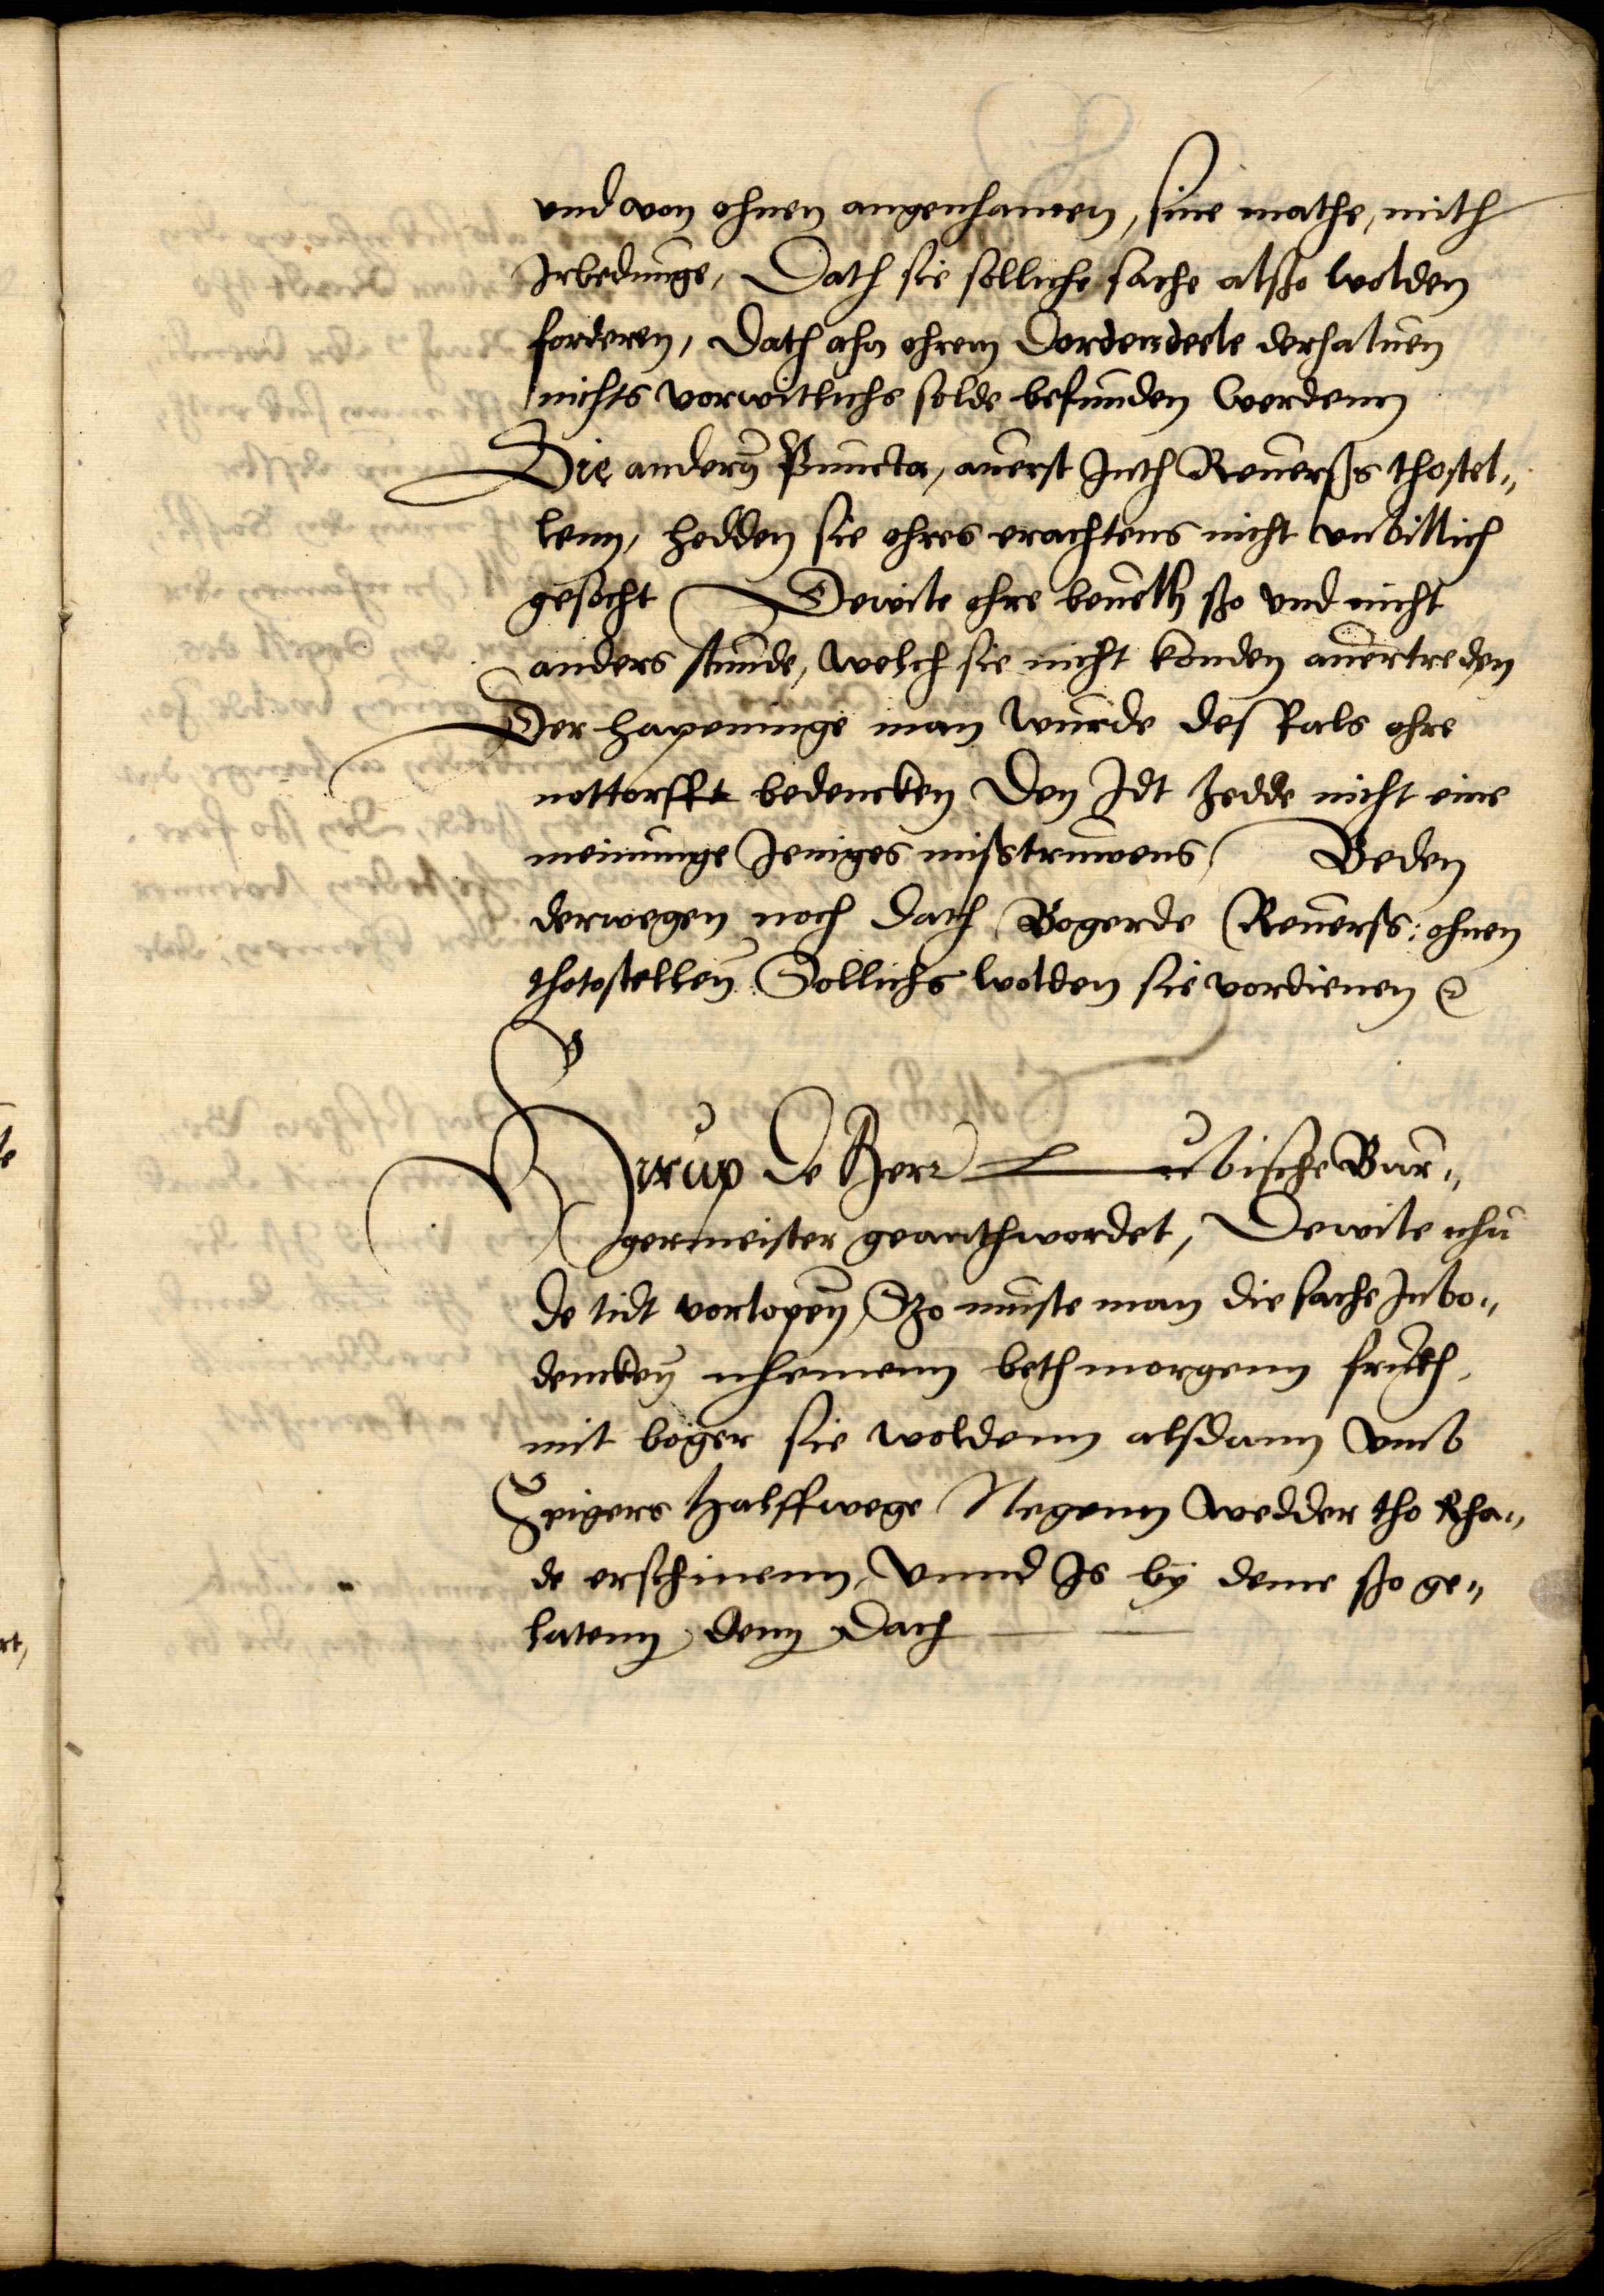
vnd von ohnen angenhamen, sine mathe, mith
Irbedunge, Dath sie solliche sache also wolden
forderen, Dath ahn ohren Dordendeele derhaluen
nichts vorwitlichs solde befunden werdenn
Die andern Puncta, auerst Inth Reuerßs thostel¬
lenn, hedden sie ohres erachtens nicht vnbillich
gesocht Dewile ohre beuelh ßo vnd nicht
anders stunde, welch sie nicht konden auertreden
Der hapenunge man wurde desfals ohre
nottorfft bedencken Den Idt hedde nicht eine
meinunge Ieniges misstruwens, Beden
derwegen noch dath Bogerde Reuerss: ohnen
thotostellen Sollichs wolden sie vordienen etc
Hirup De Herr Lubische Bur¬
germeister geanthwordet, Dewile nhu
de tidt vorlopen, Szo muste man die sache Inbo¬
dencken nhemenn beth morgenn fruth
mit boger sie woldenn alsdann vmb
Seigers Halffwege Negenn wedder tho Rha¬
de erschinenn, Vnnd Is by deme ßo ge¬
latenn denn Dach
